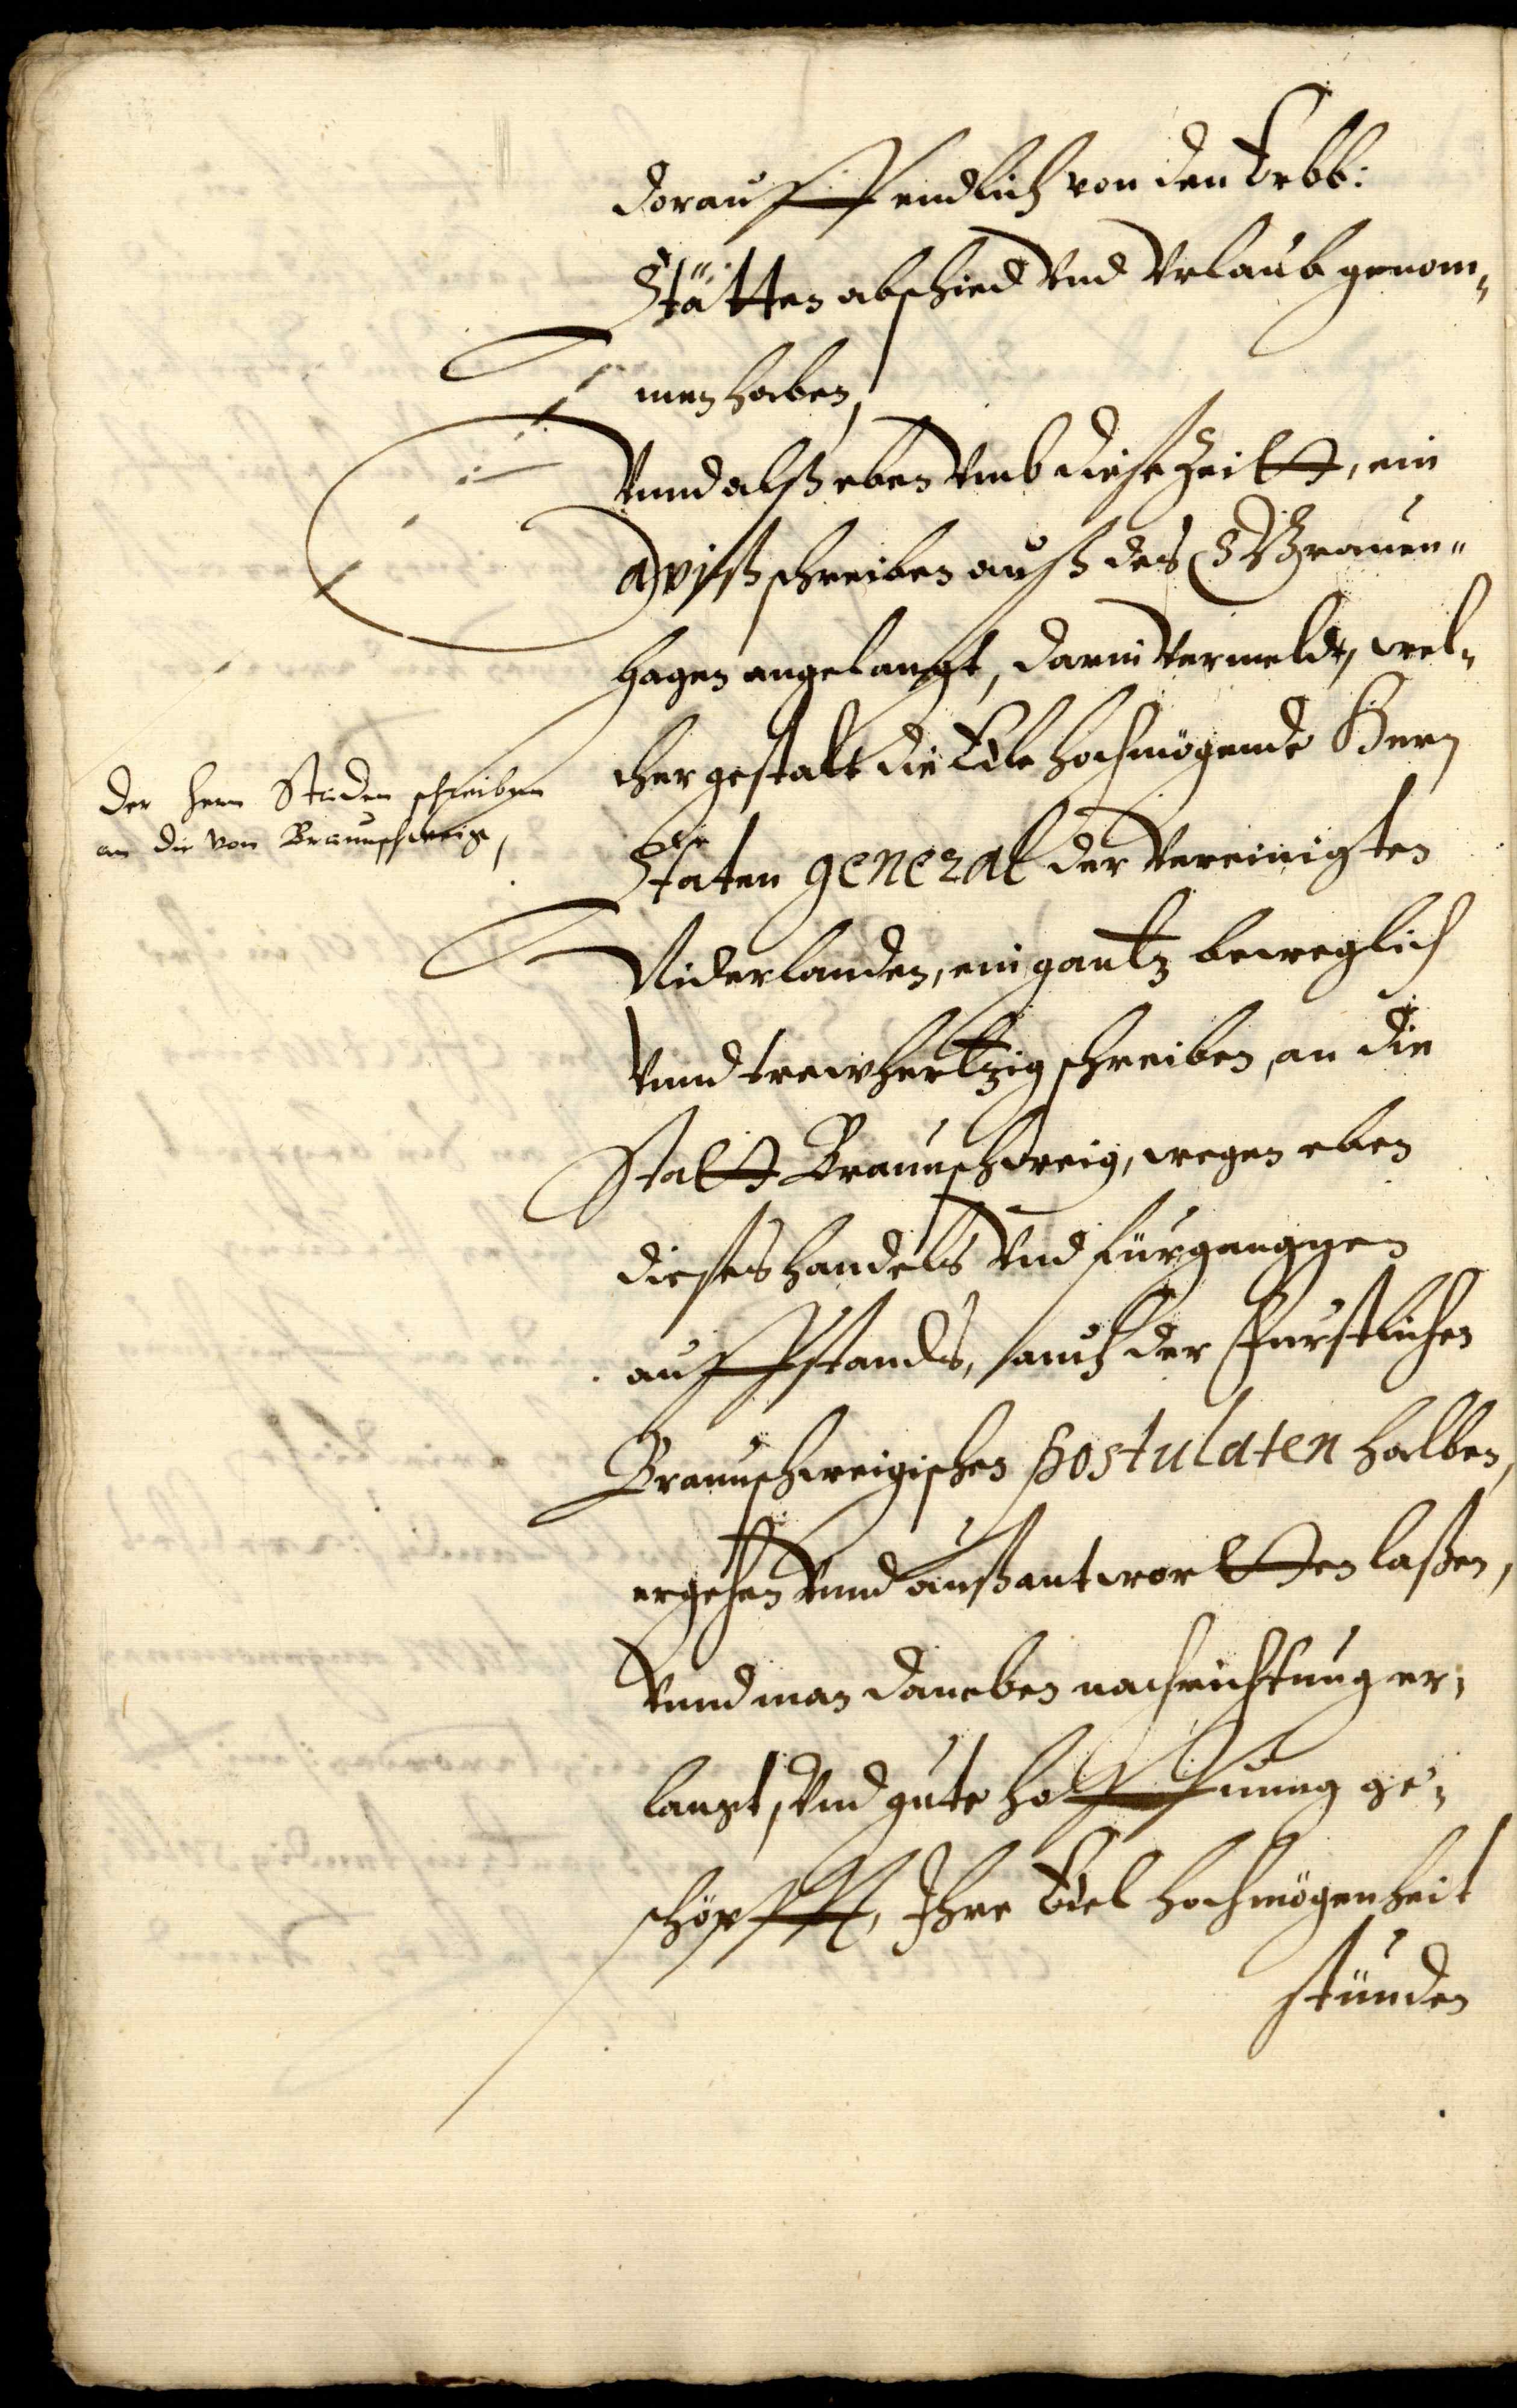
dorauff endlich von den Erbb:
Stätten abschied Vnd Vrlaub genom¬
men haben,
der hern Staden schreiben
an die von Braunschweig,
Vnnd alß eben Vmb diese Zeitt, ein
avißschreiben auß des Grauen¬
hagen angelangt, darin Vermeldt, wel—
cher gestalt die Edle hochmögende Hern
Staten general der Vereinigten
Niederlanden, ein gantz beweglich
Vnnd trewhertzig schreiben, an die
Statt Braunschweig, wegen eben
dieseß handels Vnd fürgangnen
auffstands, auch der furstlichen
Braunschweigischen postulaten halben,
ergehen Vnnd außantwortten laßen,
Vnnd man daneben nachrichtung er¬
langt, Vnd gute hoffnung ge¬
schöpfft, Ihre Edel hochmögenheit
stünden
